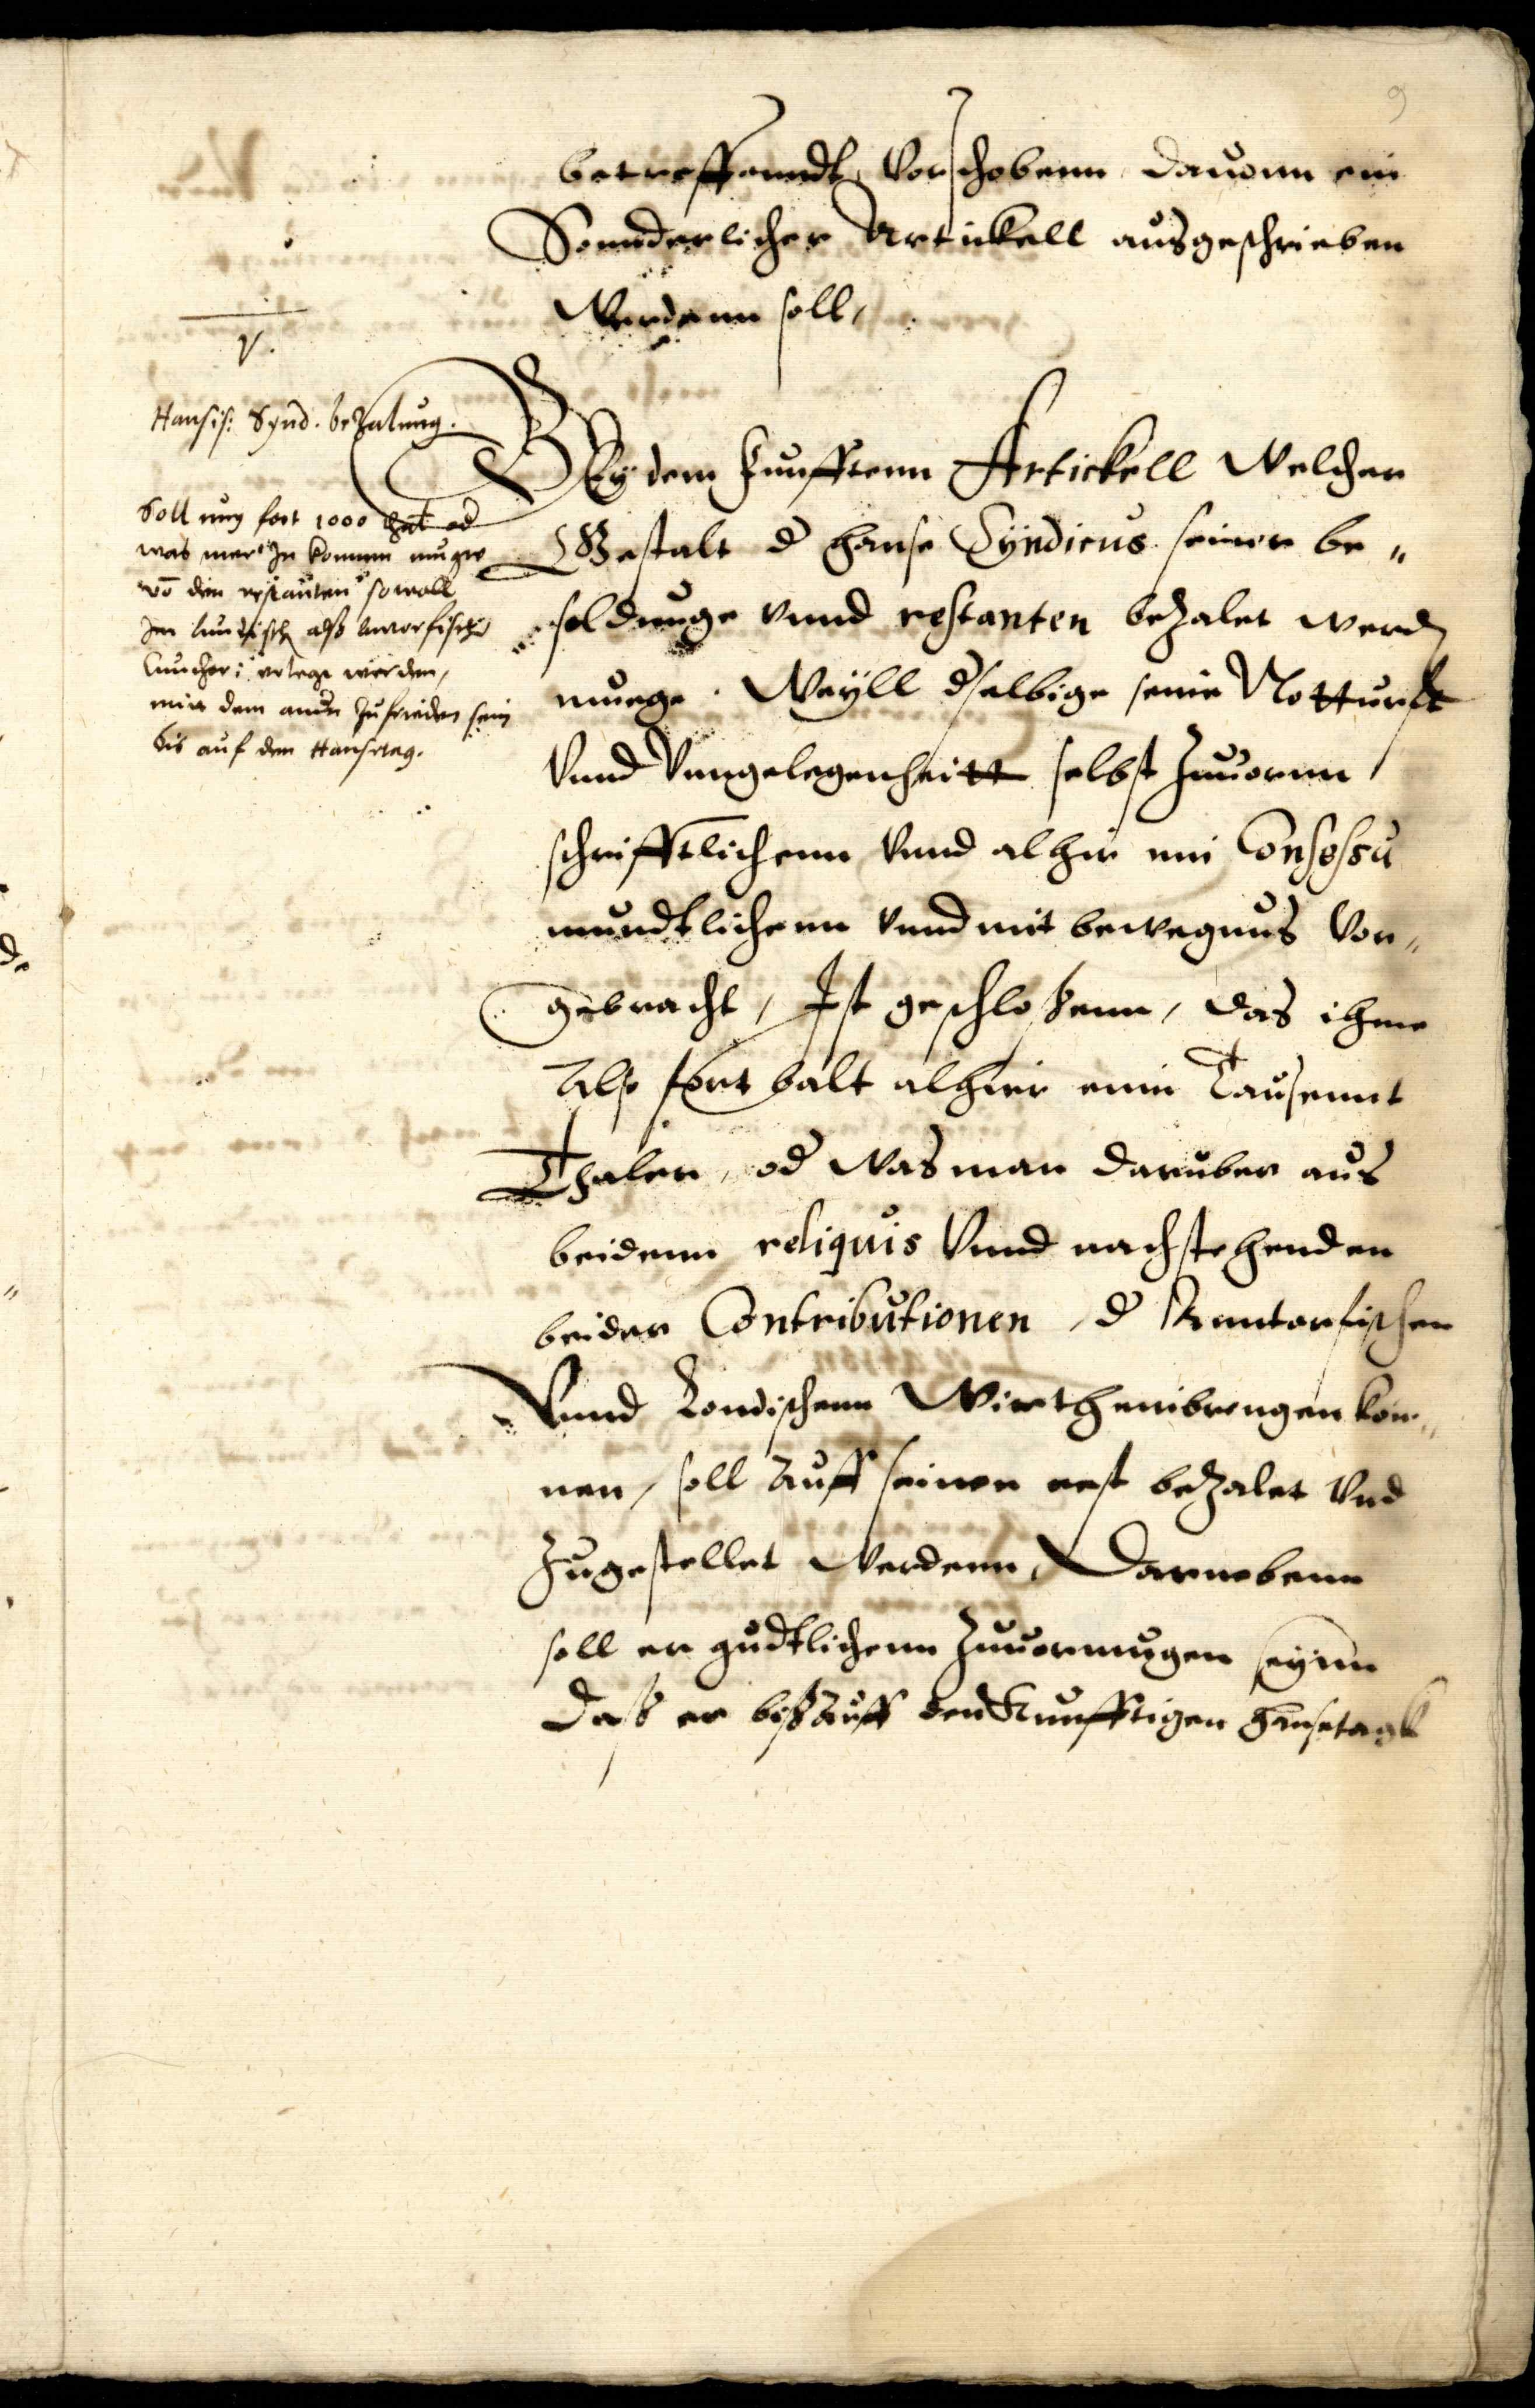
betreffenndt, Vorschobenn, dauonn ein
Sonderlicher Artickell ausgeschrieben
Werdenn soll,
V
Hansis: Synd. bezalung.
Soll nun fort 1000 thaler oder
was mer In komme mugte
von den restanten sowoll
Jm Lundischen alß Antorfischen
Cunthor; erlegt werden,
mitt dem andern zufrieden sein
bis auf den Hansetag.
Beij dem funfftenn Artickell welcher
Gestalt der Hanse Sijndicus seiner be¬
soldunge vnnd restanten bezalet werden
muege. Weijll derselbige seine Notturft
Vnnd Vnngelegenheitt selbst zuuornn
schrifftlichennn vnnd alhir inn Consessu
mundtlichenn vnnd mit bewegnus vor¬
gebracht, Jst geschloßenn, das ihme
Also fort balt alhier einn Tausennt
Thaler, oder was man daruber aus
beidenn reliquis vnnd nachste Henden
beider Contributionen, der Anntorfischen
Vnnd Londischenn Wirth einbringen kon¬
nen, soll Auff seinen erst bezalet vnd
zugestellet werdenn, Darnebenn
soll er gudtlichenn zuuormugen seijnn
daß er biß Auff den Kunfftigen Hansetagk
